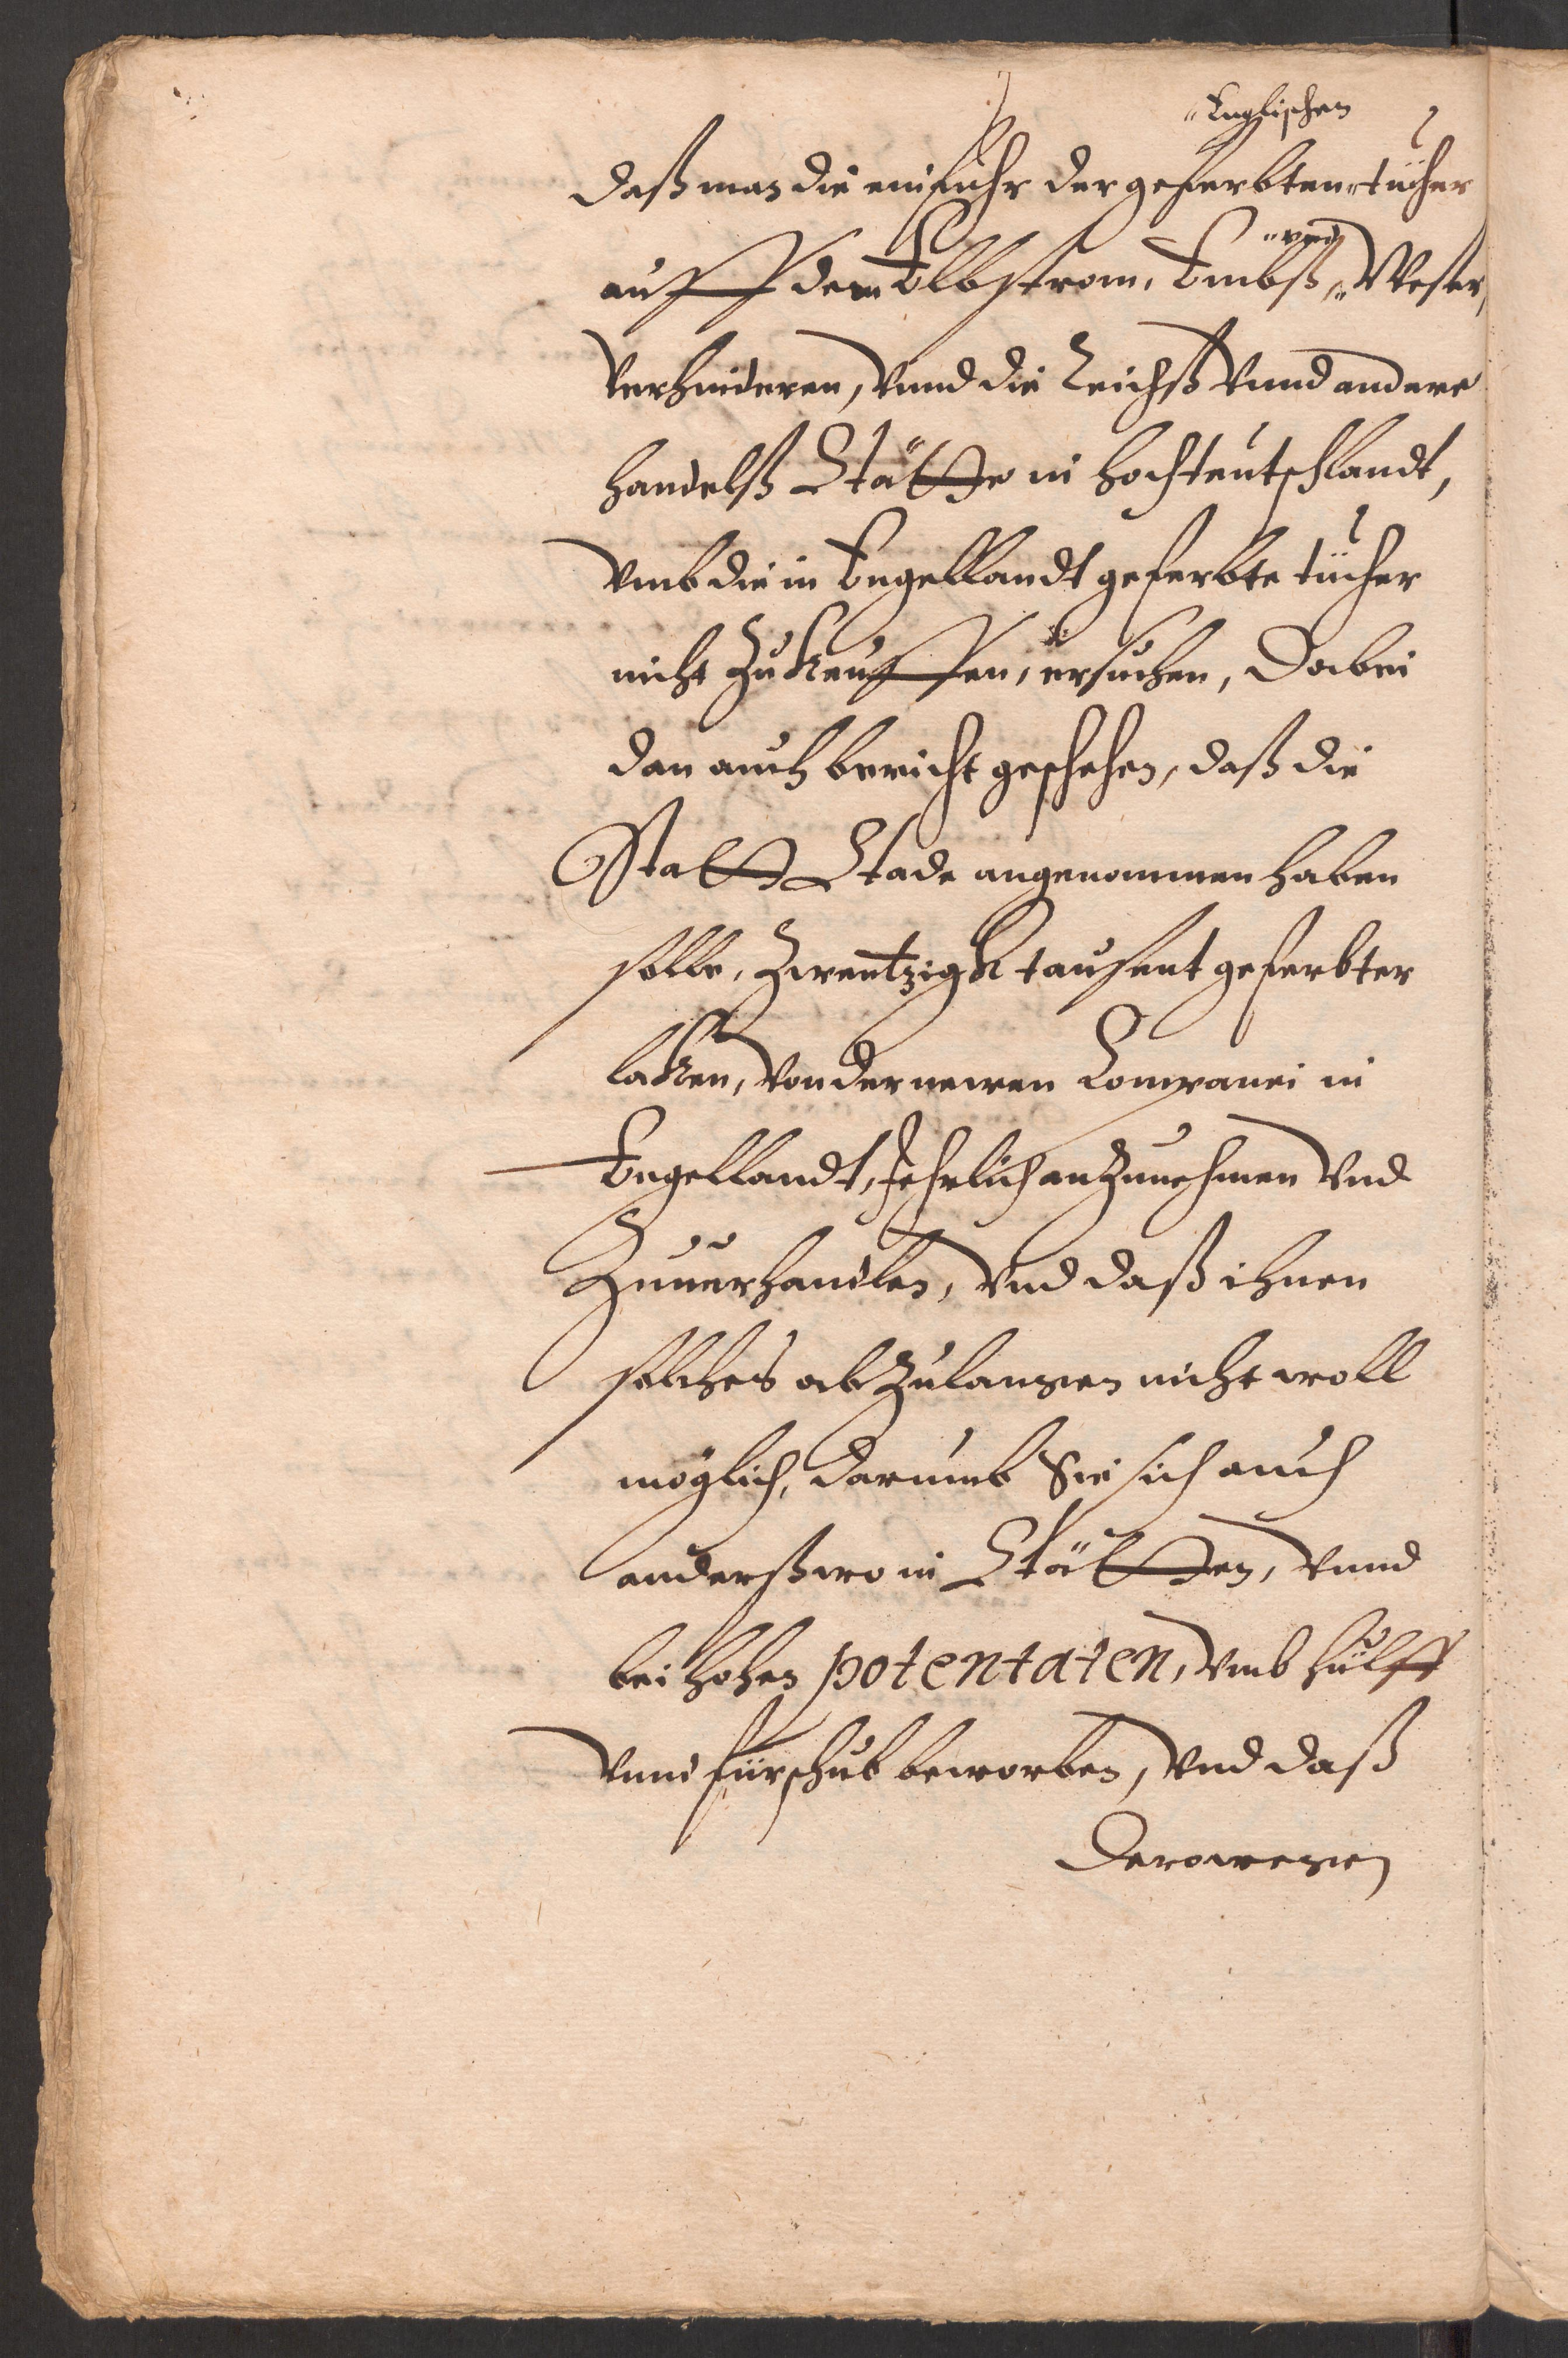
" Englischen
daß man die einfuhr der geferbten " tücher
" vnd
auff dem Elbstrom, Embß, " Weser,
verhinderen, vnnd die Reichß vnnd andere
handelß Stätte in hochteutschlandt,
vmb die in Engellandt geferbte tücher
nicht zu kauffen, ersuchen, dabei
dan auch bericht geschehen, daß die
Statt Stade angenommen haben
solle, zwentzigk tausent geferbter
laken, von der newen Companei in
Engellandt, jehrlich anzunehmen vnd
zuuerhandlen, vnd daß ihnen
solches abzulangen nicht woll
möglich, darumb Sie sich auch
anderßwo in Stätten, vnnd
bei hohen potentaten, vmb hülff
vnnd fürschub beworben, vnd daß
derowegen
